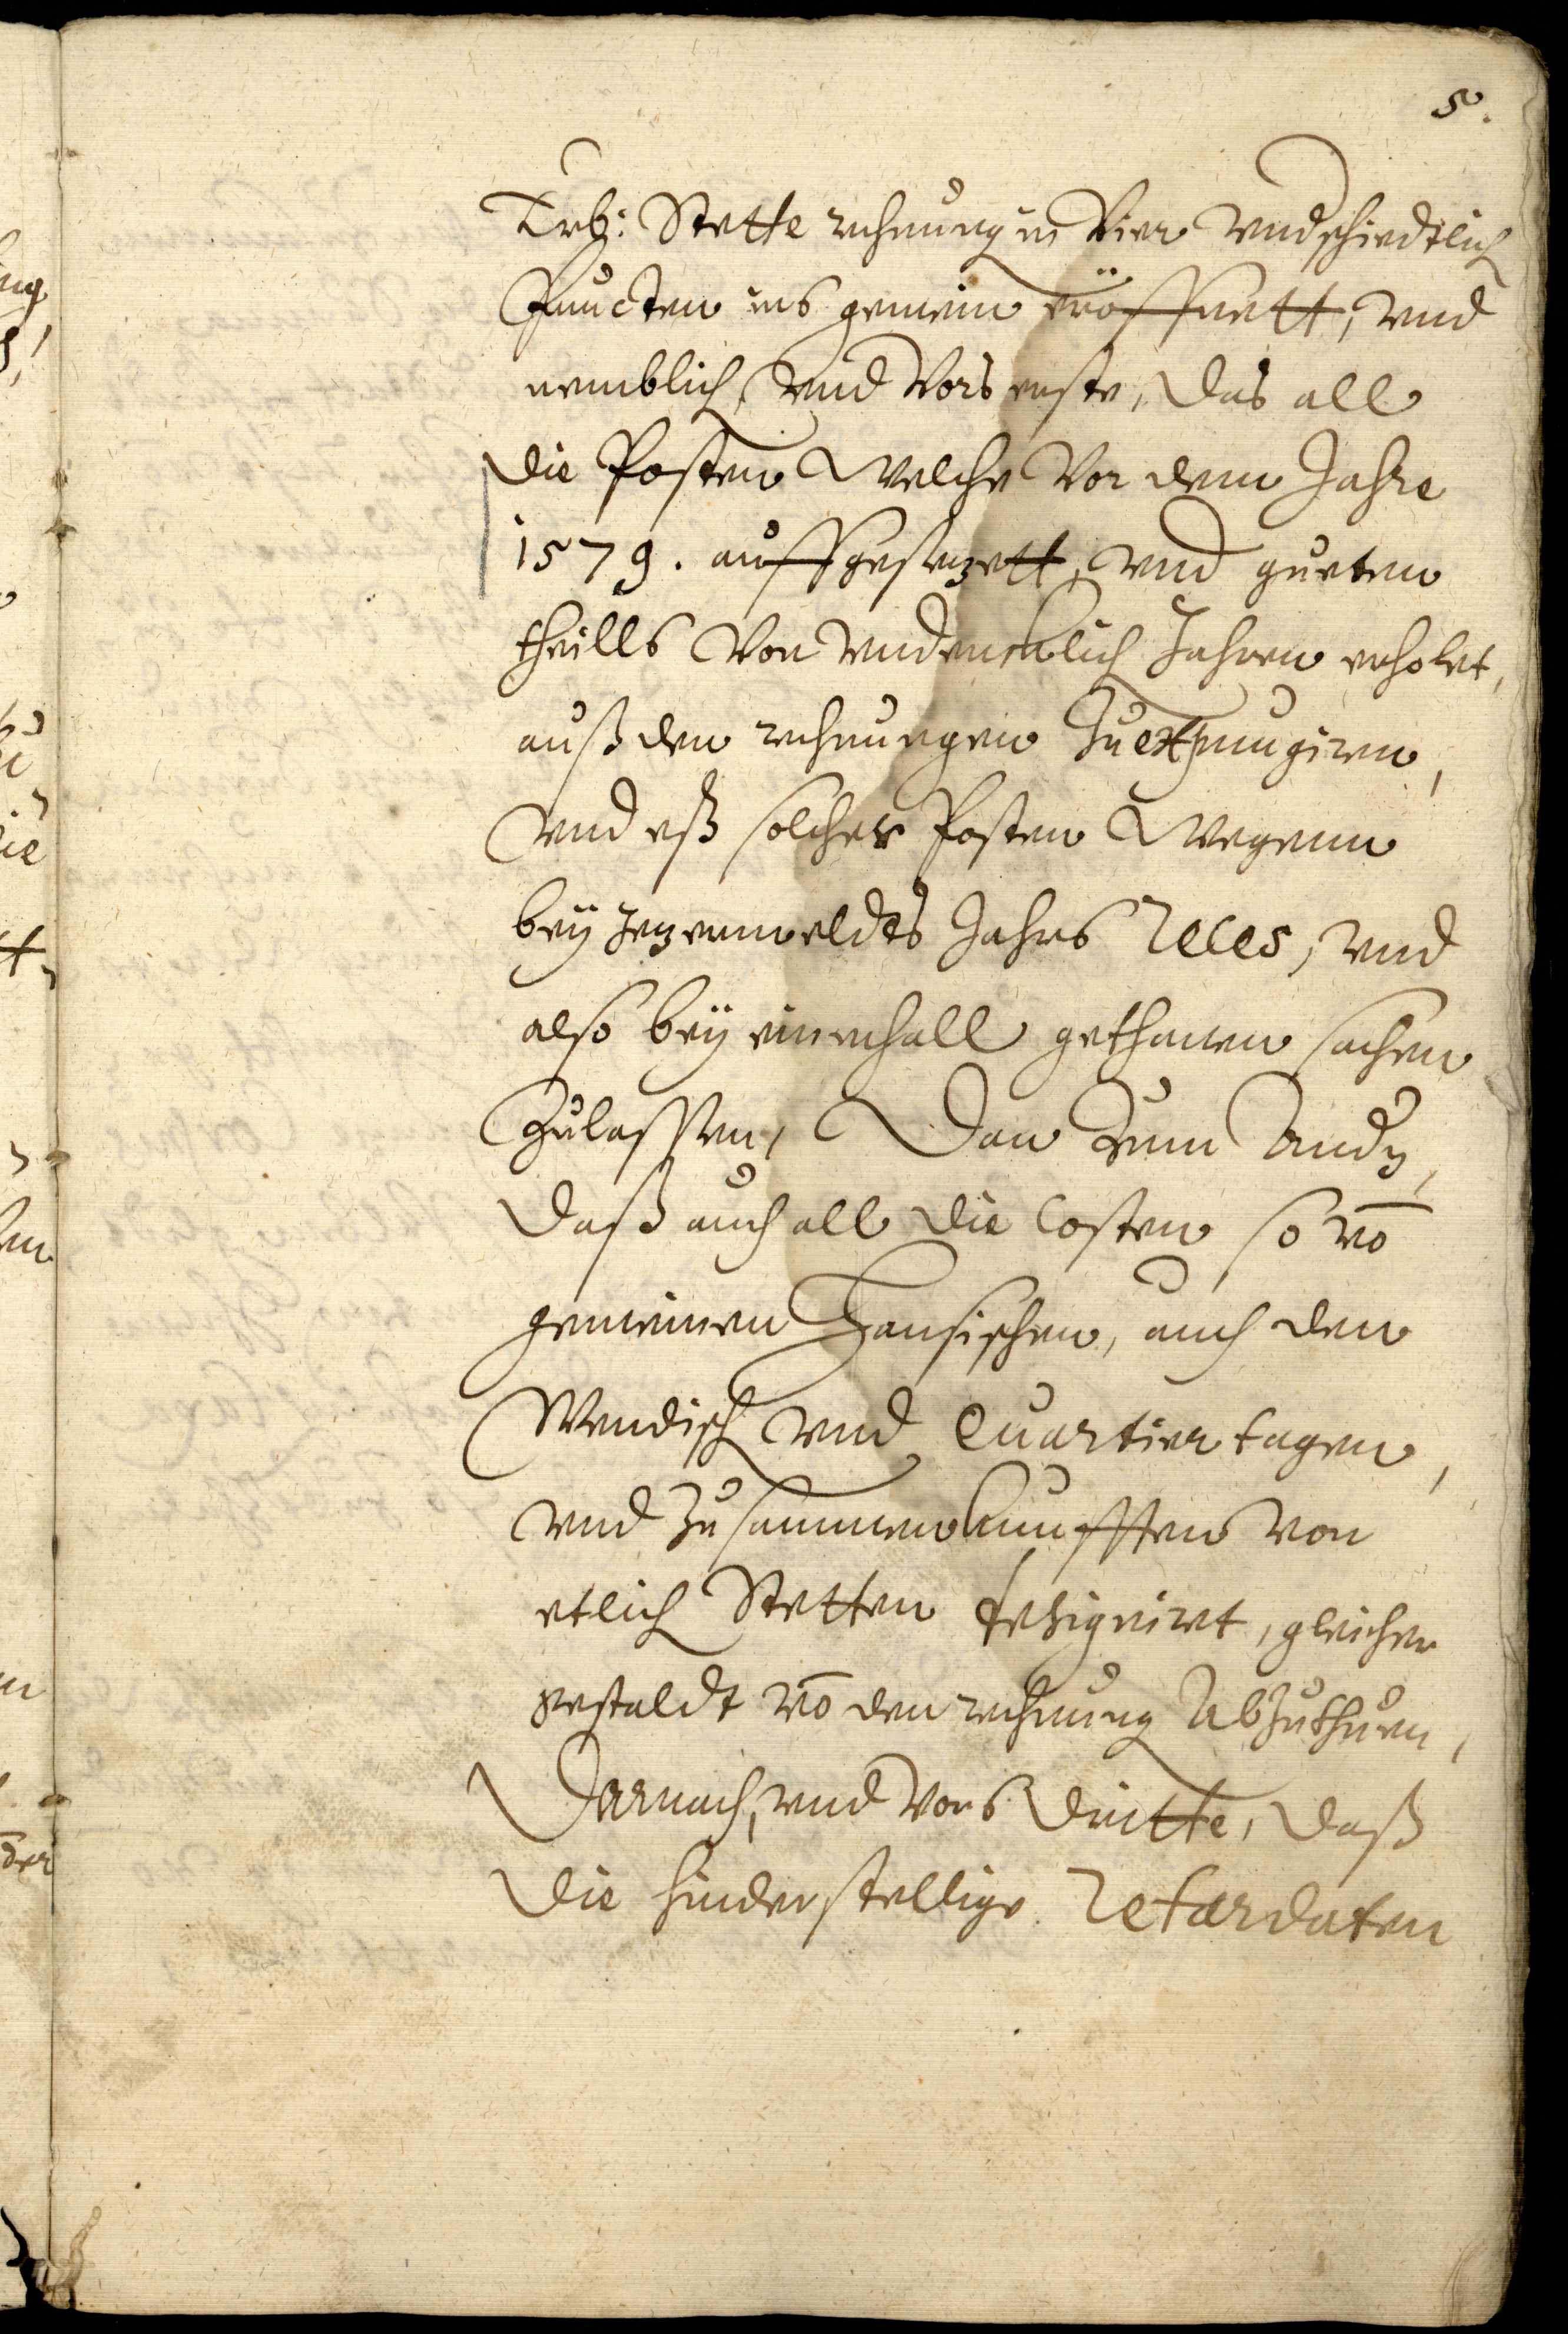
5.
Erb:Stette rechnungen in vier vnderschiedtlichen
Puncten ins gemein eröffnett,vnnd
nemblich vnnd vors erste, das allen
die Postenn welche vor dem Jahre
1579. auffgesezett,vnd guetenn
theills vor Vndencklichen Jahrenn erholet,
auß den rechnungenn zu expungiren,
Vnd eß solcher Posten wegenn
beij Itzvermeldts Jahres Reces,vnd
also beij einmhall gethanenn Sachenn
Zulassen, Dan Zum Anderen,
Daß auch all die Costen so von
gemeinen Hansischen, auch den
Wendischen vnnd Quartier tagenn,
vnd Zu sammennkunfftenn Von
etlichen Stetten designirt, gleicher
gestaldt von den rechnungen Abzushuen,
Darnach, vnd Vor Dritte, Daß
Die hunderstellige Retardaten
